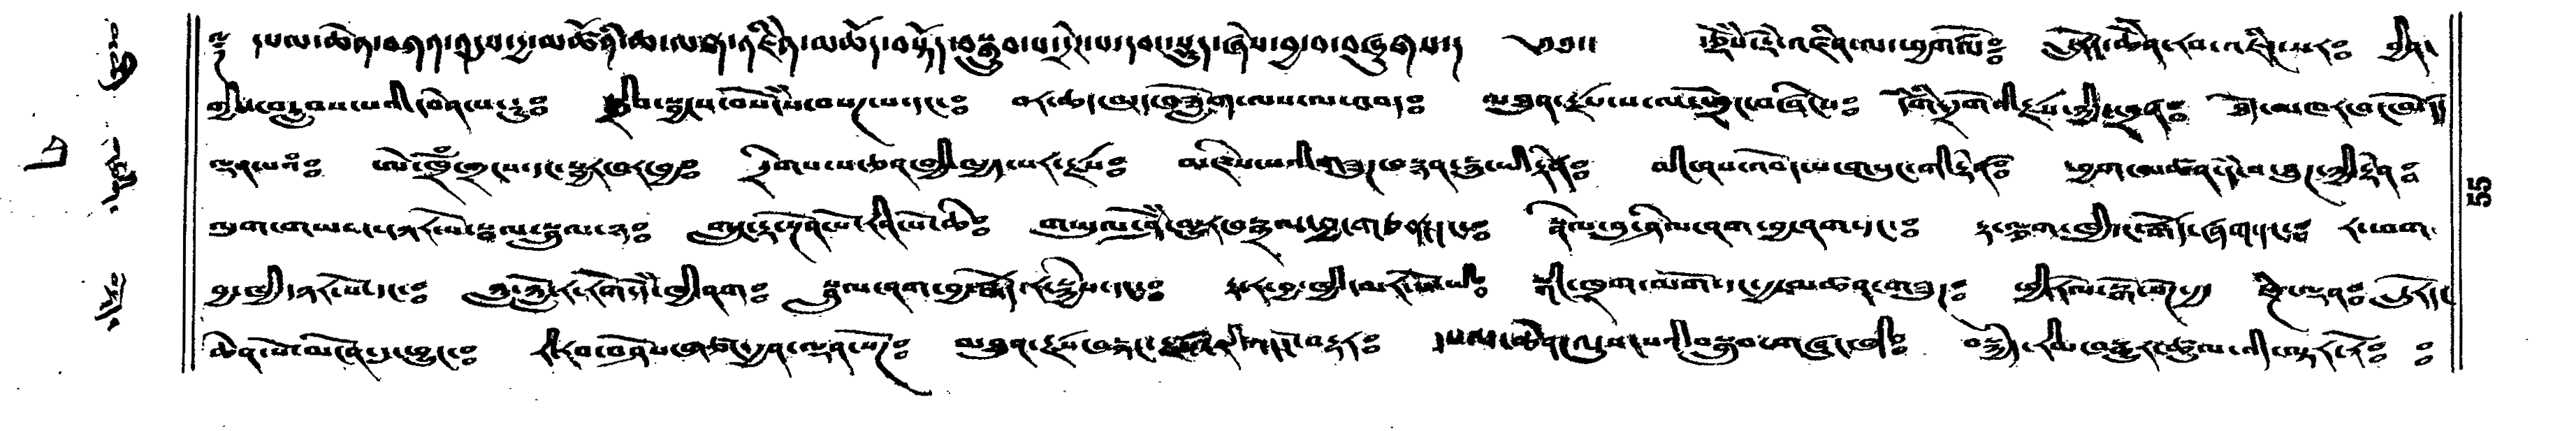༄། དཔལ་ཆེན་བཀའ་འདུས་རྒྱ་མཚོའི་ཆ་ལག་འཇིག་རྟེན་མཆོད་བསྟོད་སྒྲུབ་པ་དྲེགས་པ་དབང་སྡུད་ཅེས་བྱ་བ་བཞུགས། ༄༅། བཅོམ་ལྡན་འདས་རྡོ་རྗེ་འཛིན་ལ་ཕྱག་འཚལ་ལོ༔ དུར་ཁྲོད་ཆེན་པོ་རབ་འཇིགས་པར༔ བྱིན་
གྱིས་བརླབས་པའི་དབེན་ས་རུ༔ སྒྲིབ་སྦྱངས་བསོད་ནམས་གསོག་པ་དང༔ བར་ཆད་བདུད་བཟློག་ལས་ལ་འབད༔ མཐུན་རྫས་ས་ལ་ཕོ་བྲང་བཞེངས༔ དམ་ཚིག་དྲག་པོའི་རྫས་ཀྱིས་བརྒྱན༔ ཐོད་མཁར་བང་མཛོད་
ལྡན་པའམ༔ ཨེ་ཁྲོཾ་གྲངས་དང་སྦྱར་བར་བྱ༔ དྲེགས་པ་ཅན་གྱི་ཁྱད་པར་རྫས༔ མཛེས་པའི་གཟུགས་བརྙན་སྐུ་ཡི་རྟེན༔ མིང་ནས་འབོད་པ་གསུང་གི་རྟེན༔ ཕྱག་མཚན་དམ་པ་ཐུགས་ཀྱི་རྟེན༔ 
ལུག་གཡག་དཀར་པོ་སྦལ་སྦྲུལ་ཉ༔ གླང་རྟ་སྔོན་པོ་རིན་པོ་ཆེ༔ གཡུལ་ཤོམ་མྱུར་སྒྲོལ་བྱ་གཅན་དང༔ སྣེལ་བུ་ཤེལ་ནག་ཕྱར་ནག་དང་ཿ རྟ་ལྕག་ཁྱི་དང་རྒོད་ཞག་དང༔ ར་ཕག་
བྱ་ཁྱི་དཀར་པོ་དང༔ ཀླ་ཀློ་ར་རོག་དོམ་ཁྱི་ནག༔ སྦྲུལ་ནག་བྱ་རྒོད་ར་སྐྱེས་དང༔ རྟ་ར་བྱ་ཁྱི་དམར་པོ་ཡི༔ སྙིང་ཁྲག་མགོ་དང་རྒྱ་མཚན་གཟུགས༔ ཕྱི་རོལ་སྒོ་སོགས་བརྒྱ༔ བརྩེགས་ལྡན༔ དུར་ཁྲོད་
ཆེན་པོ་མངོན་དུ་ཕྱུང༔ རི་རབ་བཤོས་གཙང་རྒྱན་ལྡན་སོགས༔ མཐུན་རྫས་བསྐང་རྫས་ཅི་འབྱོར་བཤམས༔ དཔལ་ཆེན་འདུས་པའི་སྒྲུབ་གཞུང་གི༔ བསྐྱེད་རིམ་བསྒྱུར་ཚུལ་འདི་ལྟར་རོ༔